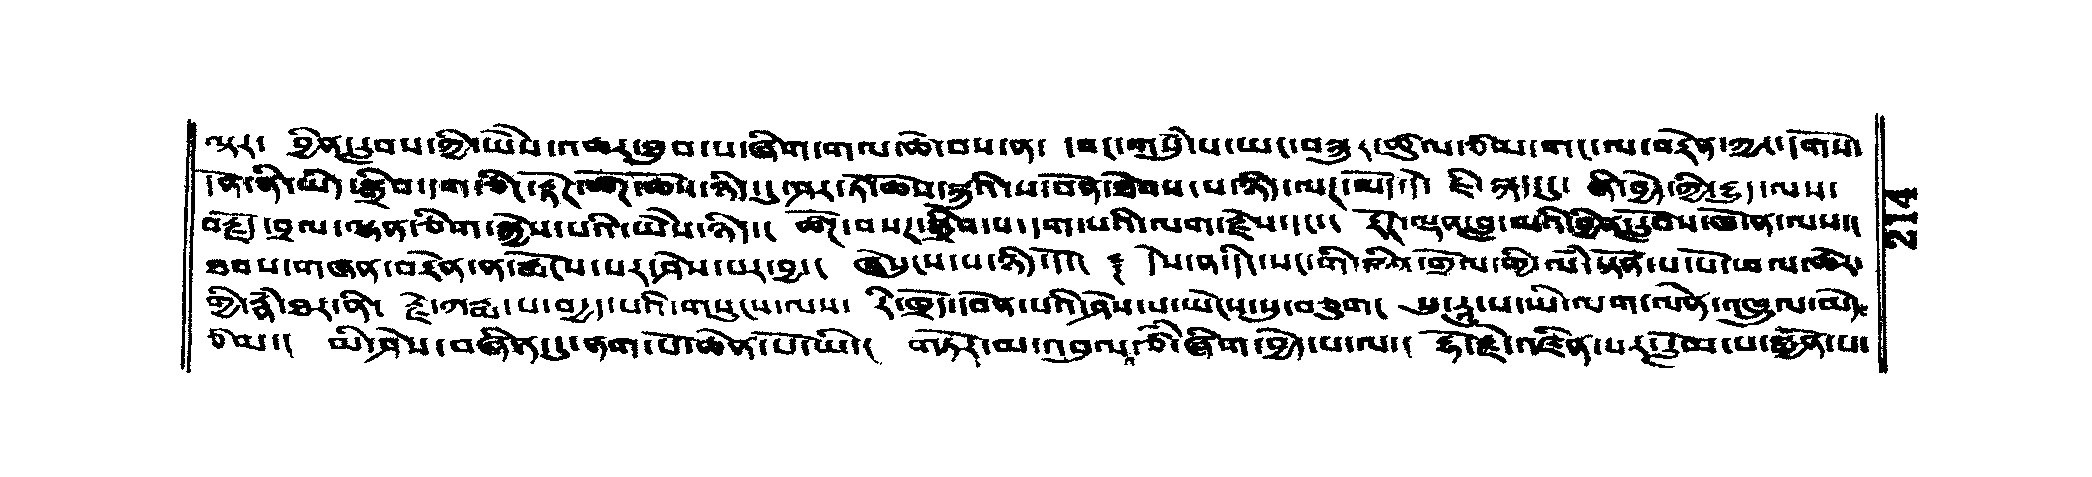ལྟར། བྱིན་རླབས་ཀྱི་ཡེ་ཤེས་འཆར་ཐུབ་པ་ཞིག་གལ་ཆེ་བས་ན། དབང་གསུམ་པ་ཡང་བསྐུར་ཚུལ་ཙམ་གང་ལ་བརྟེན་ཀྱང་དགོས་
དོན་ནི་ཡིད་སྒྲིབ་དག་ཅིང་རྟོག་ཚོགས་ཆོས་ཉིད་དུ་ཤར་ཏེ་ཆོས་སྐུའི་ས་བོན་ཐེབས་པ་ཉིད་ལགས་མོད་དེ། ཇི་སྐད་དུ། ཞི་བྱེད་ཀྱི་རྒྱུད་ལས། 
བརྗོད་བྲལ་ལྷན་ཅིག་སྐྱེས་པའི་ཡེ་ཤེས་ཉིད། །ཚོགས་བསགས་སྒྲིབ་པ་དག་པའི་ལག་རྗེས་དང་། །རྟོགས་ལྡན་བླ་མའི་བྱིན་རླབས་ཁོ་ན་ལས། །
ཐབས་གཞན་བརྟེན་ན་རྨོངས་པར་ཤེས་པར་བྱ།ཞེས་གསུངས་པ་ཉིད་དོ། དེས་ན་དིང་སང་གི་སྨིན་གྲོལ་གྱི་ལམ་སྟོན་པ་པོ་ཕལ་ཆེར་
གྱི་རྣམ་ཐར་ནི། རྗེ་ཀརྨ་པ་བརྒྱད་པའི་གསུངས་ལས། རི་ཁྲོད་དབེན་པའི་ཤེས་པ་ཡེངས་སུ་བཅུག །མཚུར་ཕུ་པ་ཡི་ལག་ལེན་འཁྲུལ་མེད་
ཙམ། །མི་ཤེས་བཞིན་དུ་ནག་པོ་ཆེན་པོ་ཡི། །གཏོར་མ་འབུལ་བ་ཙམ་ཞིག་བྱེད་པ་ལ། །རྡོ་རྗེ་འཛིན་པར་རློམ་པ་སྨྱོན་པ་